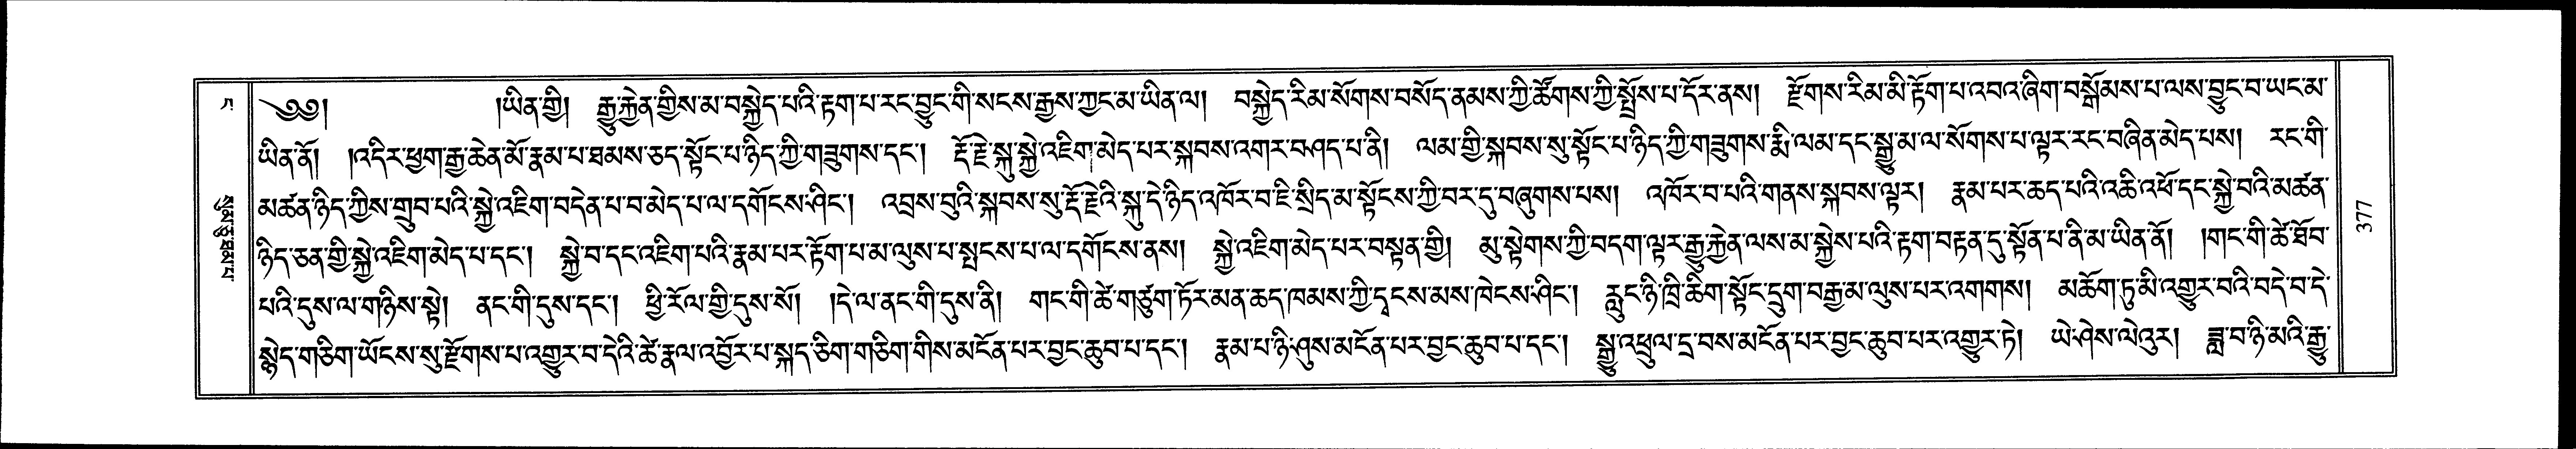༄༅། །ཡིན་གྱི། རྒྱུ་རྐྱེན་གྱིས་མ་བསྐྱེད་པའི་རྟག་པ་རང་བྱུང་གི་སངས་རྒྱས་ཀྱང་མ་ཡིན་ལ། བསྐྱེད་རིམ་སོགས་བསོད་ནམས་ཀྱི་ཚོགས་ཀྱི་སྤྲོས་པ་དོར་ནས། རྫོགས་རིམ་མི་རྟོག་པ་འབའ་ཞིག་བསྒོམས་པ་ལས་བྱུང་བ་ཡང་མ་
ཡིན་ནོ། །འདིར་ཕྱག་རྒྱ་ཆེན་མོ་རྣམ་པ་ཐམས་ཅད་སྟོང་པ་ཉིད་ཀྱི་གཟུགས་དང་། རྡོ་རྗེ་སྐུ་སྐྱེ་འཇིག་མེད་པར་སྐབས་འགར་བཤད་པ་ནི། ལམ་གྱི་སྐབས་སུ་སྟོང་པ་ཉིད་ཀྱི་གཟུགས་རྨི་ལམ་དང་སྒྱུ་མ་ལ་སོགས་པ་ལྟར་རང་བཞིན་མེད་པས། རང་གི་
མཚན་ཉིད་ཀྱིས་གྲུབ་པའི་སྐྱེ་འཇིག་བདེན་པ་བ་མེད་པ་ལ་དགོངས་ཤིང་། འབྲས་བུའི་སྐབས་སུ་རྡོ་རྗེའི་སྐུ་དེ་ཉིད་འཁོར་བ་ཇི་སྲིད་མ་སྟོངས་ཀྱི་བར་དུ་བཞུགས་པས། འཁོར་བ་པའི་གནས་སྐབས་ལྟར། རྣམ་པར་ཆད་པའི་འཆི་འཕོ་དང་སྐྱེ་བའི་མཚན་
ཉིད་ཅན་གྱི་སྐྱེ་འཇིག་མེད་པ་དང་། སྐྱེ་བ་དང་འཇིག་པའི་རྣམ་པར་རྟོག་པ་མ་ལུས་པ་སྤངས་པ་ལ་དགོངས་ནས། སྐྱེ་འཇིག་མེད་པར་བསྟན་གྱི། མུ་སྟེགས་ཀྱི་བདག་ལྟར་རྒྱུ་རྐྱེན་ལས་མ་སྐྱེས་པའི་རྟག་བརྟན་དུ་སྟོན་པ་ནི་མ་ཡིན་ནོ། །གང་གི་ཚེ་ཐོབ་
པའི་དུས་ལ་གཉིས་སྟེ། ནང་གི་དུས་དང་། ཕྱི་རོལ་གྱི་དུས་སོ། །དེ་ལ་ནང་གི་དུས་ནི། གང་གི་ཚེ་གཙུག་ཏོར་མན་ཆད་ཁམས་ཀྱི་དྭངས་མས་ཁེངས་ཤིང་། རླུང་ཉི་ཁྲི་ཆིག་སྟོང་དྲུག་བརྒྱ་མ་ལུས་པར་འགགས། །མཆོག་ཏུ་མི་འགྱུར་བའི་བདེ་བ་དེ་
སྙེད་གཅིག་ཡོངས་སུ་རྫོགས་པ་འགྱུར་བ་དེའི་ཚེ་རྣལ་འབྱོར་པ་སྐད་ཅིག་གཅིག་གིས་མངོན་པར་བྱང་ཆུབ་པ་དང་། རྣམ་པ་ཉི་ཤུས་མངོན་པར་བྱང་ཆུབ་པ་དང་། སྒྱུ་འཕྲུལ་དྲ་བས་མངོན་པར་བྱང་ཆུབ་པར་འགྱུར་ཏེ། ཡེ་ཤེས་ལེའུར། ཟླ་བ་ཉི་མའི་རྒྱུ་